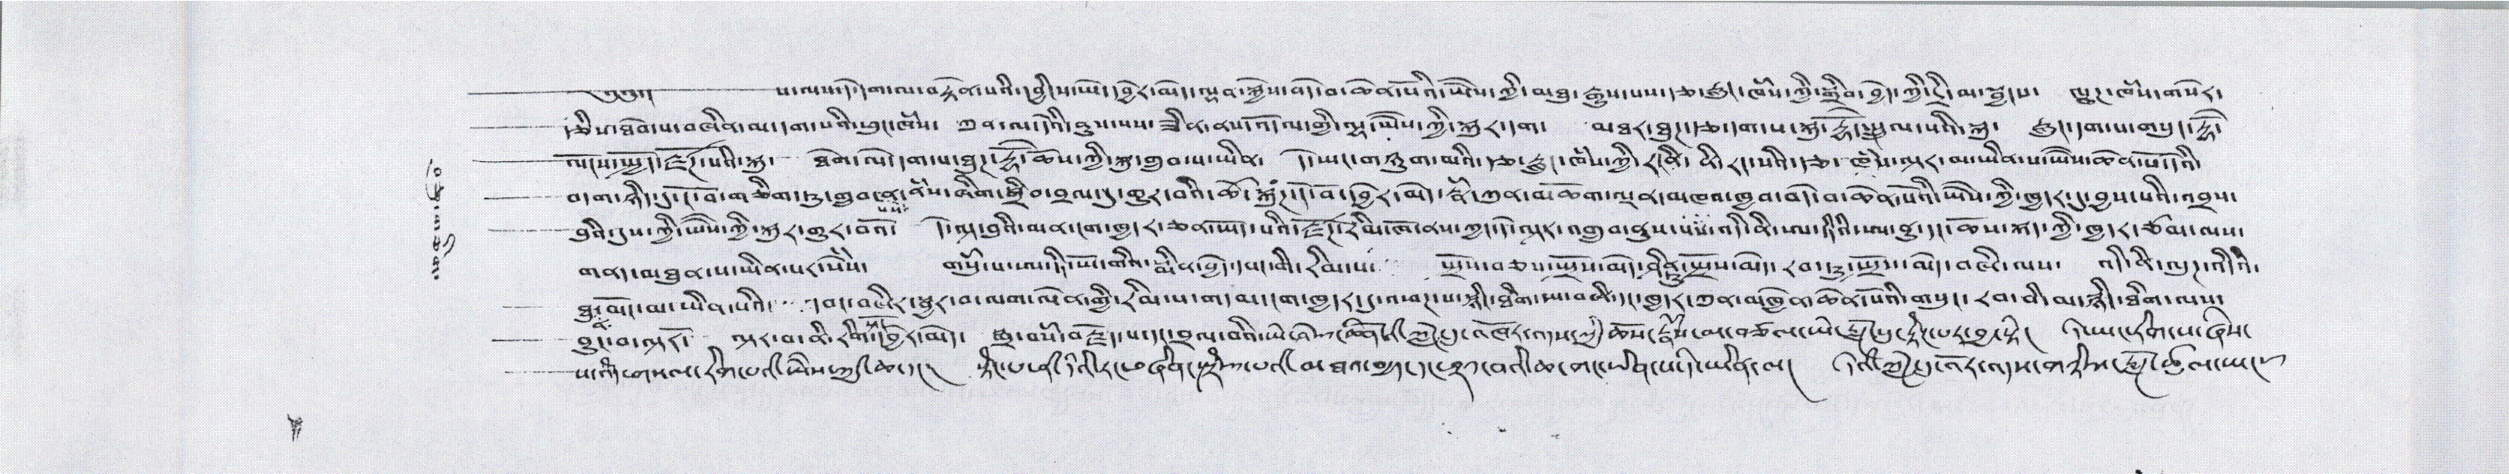པ་ལས་དེ་དག་ལ་བརྟེན་པའི་དབྱིངས་ཡེ་དབྱེར་མེད་ལྷན་སྐྱེས་བདེ་བ་ཆེན་པོའི་ཡེ་ཤེས་ཀྱི་མཐུ་བརྒྱུས་པས་རྩ་རླུང་ཁམས་ཀྱི་སྒྲིབ་བྱེད་ཀྱི་དྲི་མ་སྦྱངས། ལྕགས་ཁམས་གསེར་
རྩིས་ཐེབས་བཞིན་མ་དག་པའི་ཕུང་ཁམས་ཀུན་ལ་དེའི་ནུས་པས་སྨིན་ནས་འོད་གསལ་གྱི་ལྷ་ཡེ་ཤེས་ཀྱི་སྐུར་དག མཐར་ཐུག་རྩ་དག་པ་སྐུ་རྡོ་རྗེ་སྤྲུལ་པའི་སྐུ། རླུང་དག་པ་གསུང་རྡོ་རྗེ་
ལོངས་སྤྱོད་རྫོགས་པའི་སྐུ། ཐིག་ལེ་དག་པ་ཐུགས་རྡོ་རྗེ་ཆོས་ཀྱི་སྐུ་གྲུབ་པ་ཡིན། དེ་ཡང་གཉུག་མའི་རྩ་རླུང་ཁམས་ཀྱི་རང་བཞིན་ནི། རང་སའི་རྩ་ཁམས་ལྟར་མ་ཡིན་པ་ཡེ་ཤེས་ཆེན་པོ་དེའི་
བདག་ཉིད་དུ་ངོ་བོ་གཅིག་ཏུ་གྲུབ་པས་ན་ནམ་ཞིག་སྒྲིབ་བྲལ་དུ་གྱུར་པའི་ཚེ་སྐུ་གསུང་ཐུགས་ངོ་བོ་དབྱེར་མེད་རྣམ་ཀུན་མཆོག་ལྡན་མཁའ་ཁྱབ་བདེ་བ་ཆེན་པོའི་ཡེ་ཤེས་ཀྱི་ཁྱད་པར་དུ་བྱས་པའི་འབྲས་
བུའི་དུས་ཀྱི་ཡེ་ཤེས་ཀྱི་སྐུར་གྱུར་པའོ། དེ་ལྟ་བུའི་མན་ངག་ཁྱད་པར་ཅན་ཡོད་པའི་རྫོགས་རིམ་ཁོ་ནས་ཀྱང་དེ་ལྟར་འགྲུབ་ནུས་པས་འདི་ནི་ཨ་ཏིའི་ཨ་ནུ་དང་ཆོས་སྐད་ཀྱི་ཁྱད་པར་ཙམ་ལས་
གནད་མཐུན་པ་ཡིན་པར་སེམས། གསུམ་པ་ཨ་ཏི་ཡོ་གའི་སྨིན་བྱེད་དབང་གི་རིམ་པ་ལ། སྤྲོས་བཅས་སྤྲོས་མེད་ཤིན་ཏུ་སྤྲོས་མེད་རབ་ཏུ་སྤྲོས་མེད་བཞི་ལས། འདི་ནི་ལུགས་འདིའི་
ཐུན་མོང་མ་ཡིན་པའི་དབང་གཞིར་སྦྱར་བ་ལག་ལེན་གྱི་རིམ་པ་གདམས་ངག་ཁྱད་པར་དུ་འཕགས་པ་སྙིང་ཐིག་ཡ་བཞི་དང་ཁྱད་པར་ཀུན་མཁྱེན་ཆེན་པོའི་གསུང་རབ་བི་མ་སྙིང་ཐིག་ལས་
བྱུང་བ་ལྟར་རོ། ལྟ་བ་ནི་རིག་སྟོང་དབྱེར་མེད་སྨྲ་བསམ་བརྗོད་པ་དང་བྲལ་བའི་ཡེ་ཤེས་ཆེན་པོའི་ཀློང་དུ་འཁོར་འདས་ཀྱི་ཆོས་རྣམས་མ་བཙལ་ཡེ་རྫོགས་སུ་རྟོགས་པར་བྱ་སྟེ། དེ་ཡང་རིག་པ་ཞེས་
གསལ་རིག་པའི་ཡེ་ཤེས་ཀྱི་ཆ་དང་། སྟོང་པ་ནི་དེའི་རང་བཞིན་སྤྲོས་པའི་མཐའ་བརྒྱད་དང་བྲལ་བའི་ཆ་གང་ཡིན་པ་དེ་ཡིན་ལ། དེའི་ཀློང་དུ་འཁོར་འདས་གཉིས་རྫོགས་ཚུལ་ཡང་